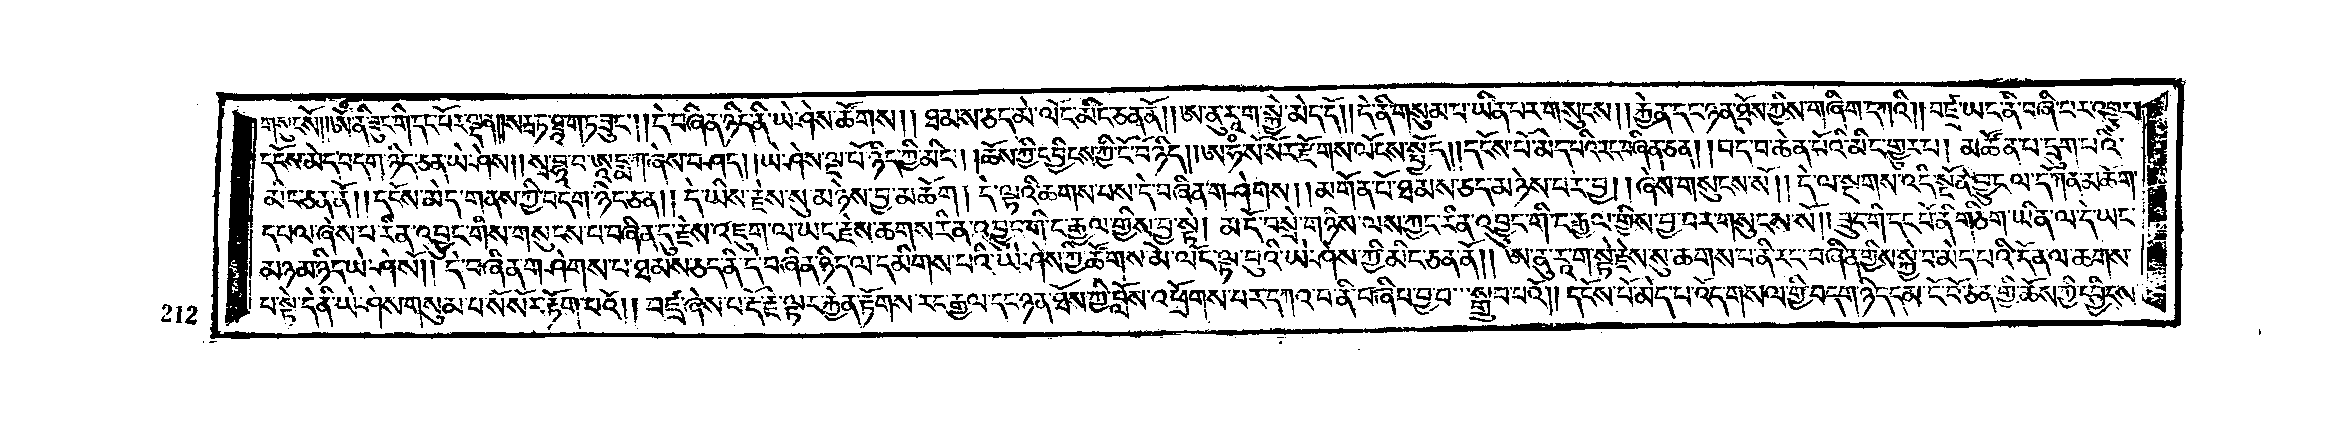གསུངས་སོ། །ཨོཾ་ནི་ཟུང་གི་དང་པོར་ལྡན། །སརྦ་ཏ་ཐཱ་ག་ཏ་ཟུང་། །དེ་བཞིན་ཉིད་ནི་ཡེ་ཤེས་ཚོགས། །ཐམས་ཅད་མེ་ལོང་མིང་ཅན་ནོ། །ཨ་ནུ་རཱ་ག་སྐྱེ་མེད་དོ། །དེ་ནི་གསུམ་པ་ཡིན་པར་གསུངས། །རྐྱེན་དང་ཉན་ཐོས་ཀྱིས་གཞིག་དཀའི། །བཛྲ་ཡང་ནི་བཞི་པར་འགྱུར།།
དངོས་མེད་བདག་ཉིད་ཅན་ཡེ་ཤེས། །སྭ་བྷཱ་བ་ཨཱདམ་ཀ་ཞེས་བཤད། །ཡེ་ཤེས་ལྔ་པོ་ཉིད་ཀྱི་མིང་། །ཆོས་ཀྱི་དབྱིངས་ཀྱི་ངོ་བོ་ཉིད། །ཨ་ཧཾ་སོ་སོར་རྫོགས་ལོངས་སྤྱོད། །དངོས་པོ་མེད་པའི་རང་བཞིན་ཅན། །བདེ་བ་ཆེན་པོའི་མིང་གྱུར་པ། མཚོན་པ་དྲུག་པའི་
མིང་ཅན་ནོ། །དངོས་མེད་གནས་ཀྱི་བདག་ཉིད་ཅན། །དེ་ཡིས་རྗེས་སུ་མཉེས་བྱ་མཆོག །དེ་ལྟའི་ཆགས་པས་དེ་བཞིན་གཤེགས། །མགོན་པོ་ཐམས་ཅད་མཉེས་པར་བྱ། །ཞེས་གསུངས་སོ། །དེ་ལ་སྔགས་འདི་སྔོན་བྱུང་ལ་དཀོན་མཆོག་
དཔལ་ཞེས་པ་རིན་འབྱུང་གིས་གསུངས་པ་བཞིན་དུ་རྗེས་འཇུག་ལ་ཡང་རྗེས་ཆགས་རིན་འབྱུང་གི་ང་རྒྱལ་གྱིས་བྱ་སྟེ། མདོ་བསྲེ་གཉིས་ལས་ཀྱང་རིན་འབྱུང་གི་ང་རྒྱལ་གྱིས་བྱ་བར་གསུངས་སོ། །ཟུང་གི་དང་པོ་ནི་གཅིག་ཡིན་ལ་དེ་ཡང་
མཉམ་ཉིད་ཡེ་ཤེས་སོ། །དེ་བཞིན་གཤེགས་པ་ཐམས་ཅད་ནི་དེ་བཞིན་ཉིད་ལ་དམིགས་པའི་ཡེ་ཤེས་ཀྱི་ཚོགས་མེ་ལོང་ལྟ་བུའི་ཡེ་ཤེས་ཀྱི་མིང་ཅན་ནོ། །ཨ་ནུ་རཱ་ག་སྟེ་རྗེས་སུ་ཆགས་པ་ནི་རང་བཞིན་གྱིས་སྐྱེ་བ་མེད་པའི་དོན་ལ་ཆགས་
པ་སྟེ་དེ་ནི་ཡེ་ཤེས་གསུམ་པ་སོ་སོར་རྟོག་པའོ། །བཛྲ་ཞེས་པ་རྡོ་རྗེ་ལྟར་རྐྱེན་རྟོགས་རང་རྒྱལ་དང་ཉན་ཐོས་ཀྱི་བློས་འཕྲོགས་པར་དཀའ་བ་ནི་བཞི་པ་བྱ་བ་སྒྲུབ་པའོ། །དངོས་པོ་མེད་པ་འོད་གསལ་གྱི་བདག་ཉིད་དམ་ངོ་བོ་ཅན་གྱི་ཆོས་ཀྱི་དབྱིངས་